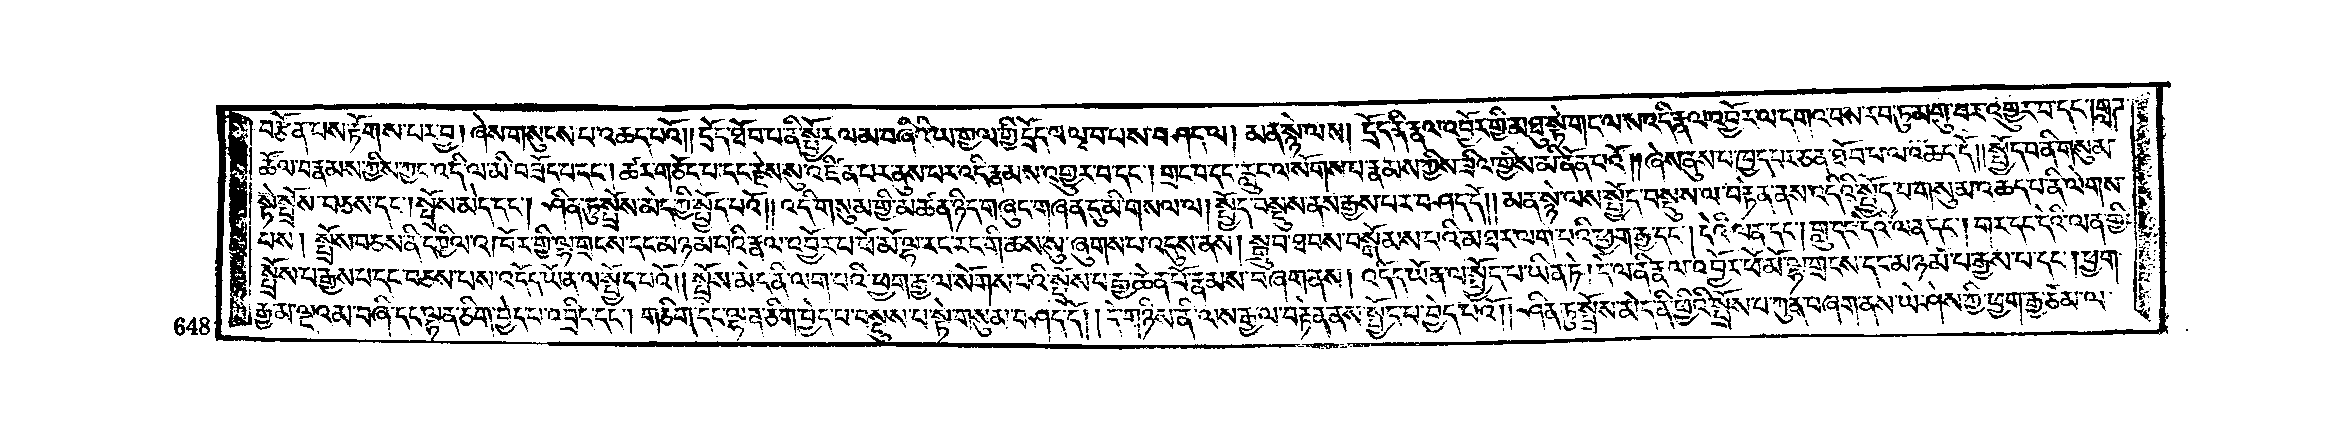བརྩོན་པས་རྟོགས་པར་བྱ། ཞེས་གསུངས་པ་འཆད་པའོ། །དྲོད་ཐོབ་པ་ནི་སྦྱོར་ལམ་བཞིའི་ཡ་གྱལ་གྱི་དྲོད་ལ་ལྭ་བ་པས་བཤད་ལ། མན་སྙེ་ལས། དྲོད་ནི་རྣལ་འབྱོར་གྱི་མཐུ་སྟེ་གང་ལས་འདི་རྣལ་འབྱོར་ལ་དགའ་བས་རབ་ཏུ་མགུ་བར་འགྱུར་བ་དང་། གླགས་
ཚོལ་བ་རྣམས་ཀྱིས་ཀྱང་འདི་ལ་མི་བཟོད་པ་དང་། ཚར་གཅོད་པ་དང་རྗེས་སུ་འཛིན་པར་ནུས་པར་འདི་རྣམས་འགྱུར་བ་དང་། གྲང་བ་དང་རླུང་ལ་སོགས་པ་རྣམས་ཀྱིས་ཟིལ་གྱིས་མི་ནོན་པའོ། །ཞེས་ནུས་པ་ཁྱད་པར་ཅན་ཐོབ་པ་ལ་འཆད་དོ། །སྤྱོད་པ་ནི་གསུམ་
སྟེ་སྤྲོས་བཅས་དང་། སྤྲོས་མེད་དང་། ཤིན་ཏུ་སྤྲོས་མེད་ཀྱི་སྤྱོད་པའོ། །འདི་གསུམ་གྱི་མཚན་ཉིད་གཞུང་གཞན་དུ་མི་གསལ་ལ། སྤྱོད་བསྡུས་ནས་རྒྱས་པར་བཤད་དོ། །མན་སྙེ་ལས་སྤྱོད་བསྡུས་ལ་བརྟེན་ནས་འདིའི་སྤྱོད་པ་གསུམ་འཆད་པ་ནི་ལེགས་
པས། སྤྲོས་བཅས་ནི་དཀྱིལ་འཁོར་གྱི་ལྷ་གྲངས་དང་མཉམ་པའི་རྣལ་འབྱོར་པ་ཕོ་མོ་ལྷ་རང་རང་གི་ཆས་སུ་ཞུགས་པ་འདུས་ནས། སྒྲུབ་ཐབས་བསྒོམས་པའི་མཐར་ལག་པའི་ཕྱག་རྒྱ་དང་། དེའི་ལན་དང་། གླུ་དང་དེའི་ལན་དང་། གར་དང་དེའི་ལན་གྱི་
སྤྲོས་པ་རྒྱས་པ་དང་བཅས་པས་འདོད་ཡོན་ལ་སྤྱོད་པའོ། །སྤྲོས་མེད་ནི་ལག་པའི་ཕྱག་རྒྱ་ལ་སོགས་པའི་སྤྲོས་པ་རྒྱ་ཆེན་པོ་རྣམས་བཞག་ནས། འདོད་ཡོན་ལ་སྤྱོད་པ་ཡིན་ཏེ། དེ་ལ་ནི་རྣལ་འབྱོར་ཕོ་མོ་ལྷ་གྲངས་དང་མཉམ་པ་རྒྱས་པ་དང་། ཕྱག་
རྒྱ་མ་ལྔའམ་བཞི་དང་ལྷན་ཅིག་བྱེད་པ་འབྲིང་དང་། གཅིག་དང་ལྷན་ཅིག་བྱེད་པ་བསྡུས་པ་སྟེ་གསུམ་བཤད་དོ། །དེ་གཉིས་ནི་ལས་རྒྱ་ལ་བརྟེན་ནས་སྤྱོད་པ་བྱེད་པའོ། །ཤིན་ཏུ་སྤྲོས་མེད་ནི་ཕྱིའི་སྤྲོས་པ་ཀུན་བཞག་ནས་ཡེ་ཤེས་ཀྱི་ཕྱག་རྒྱ་ཙམ་ལ་